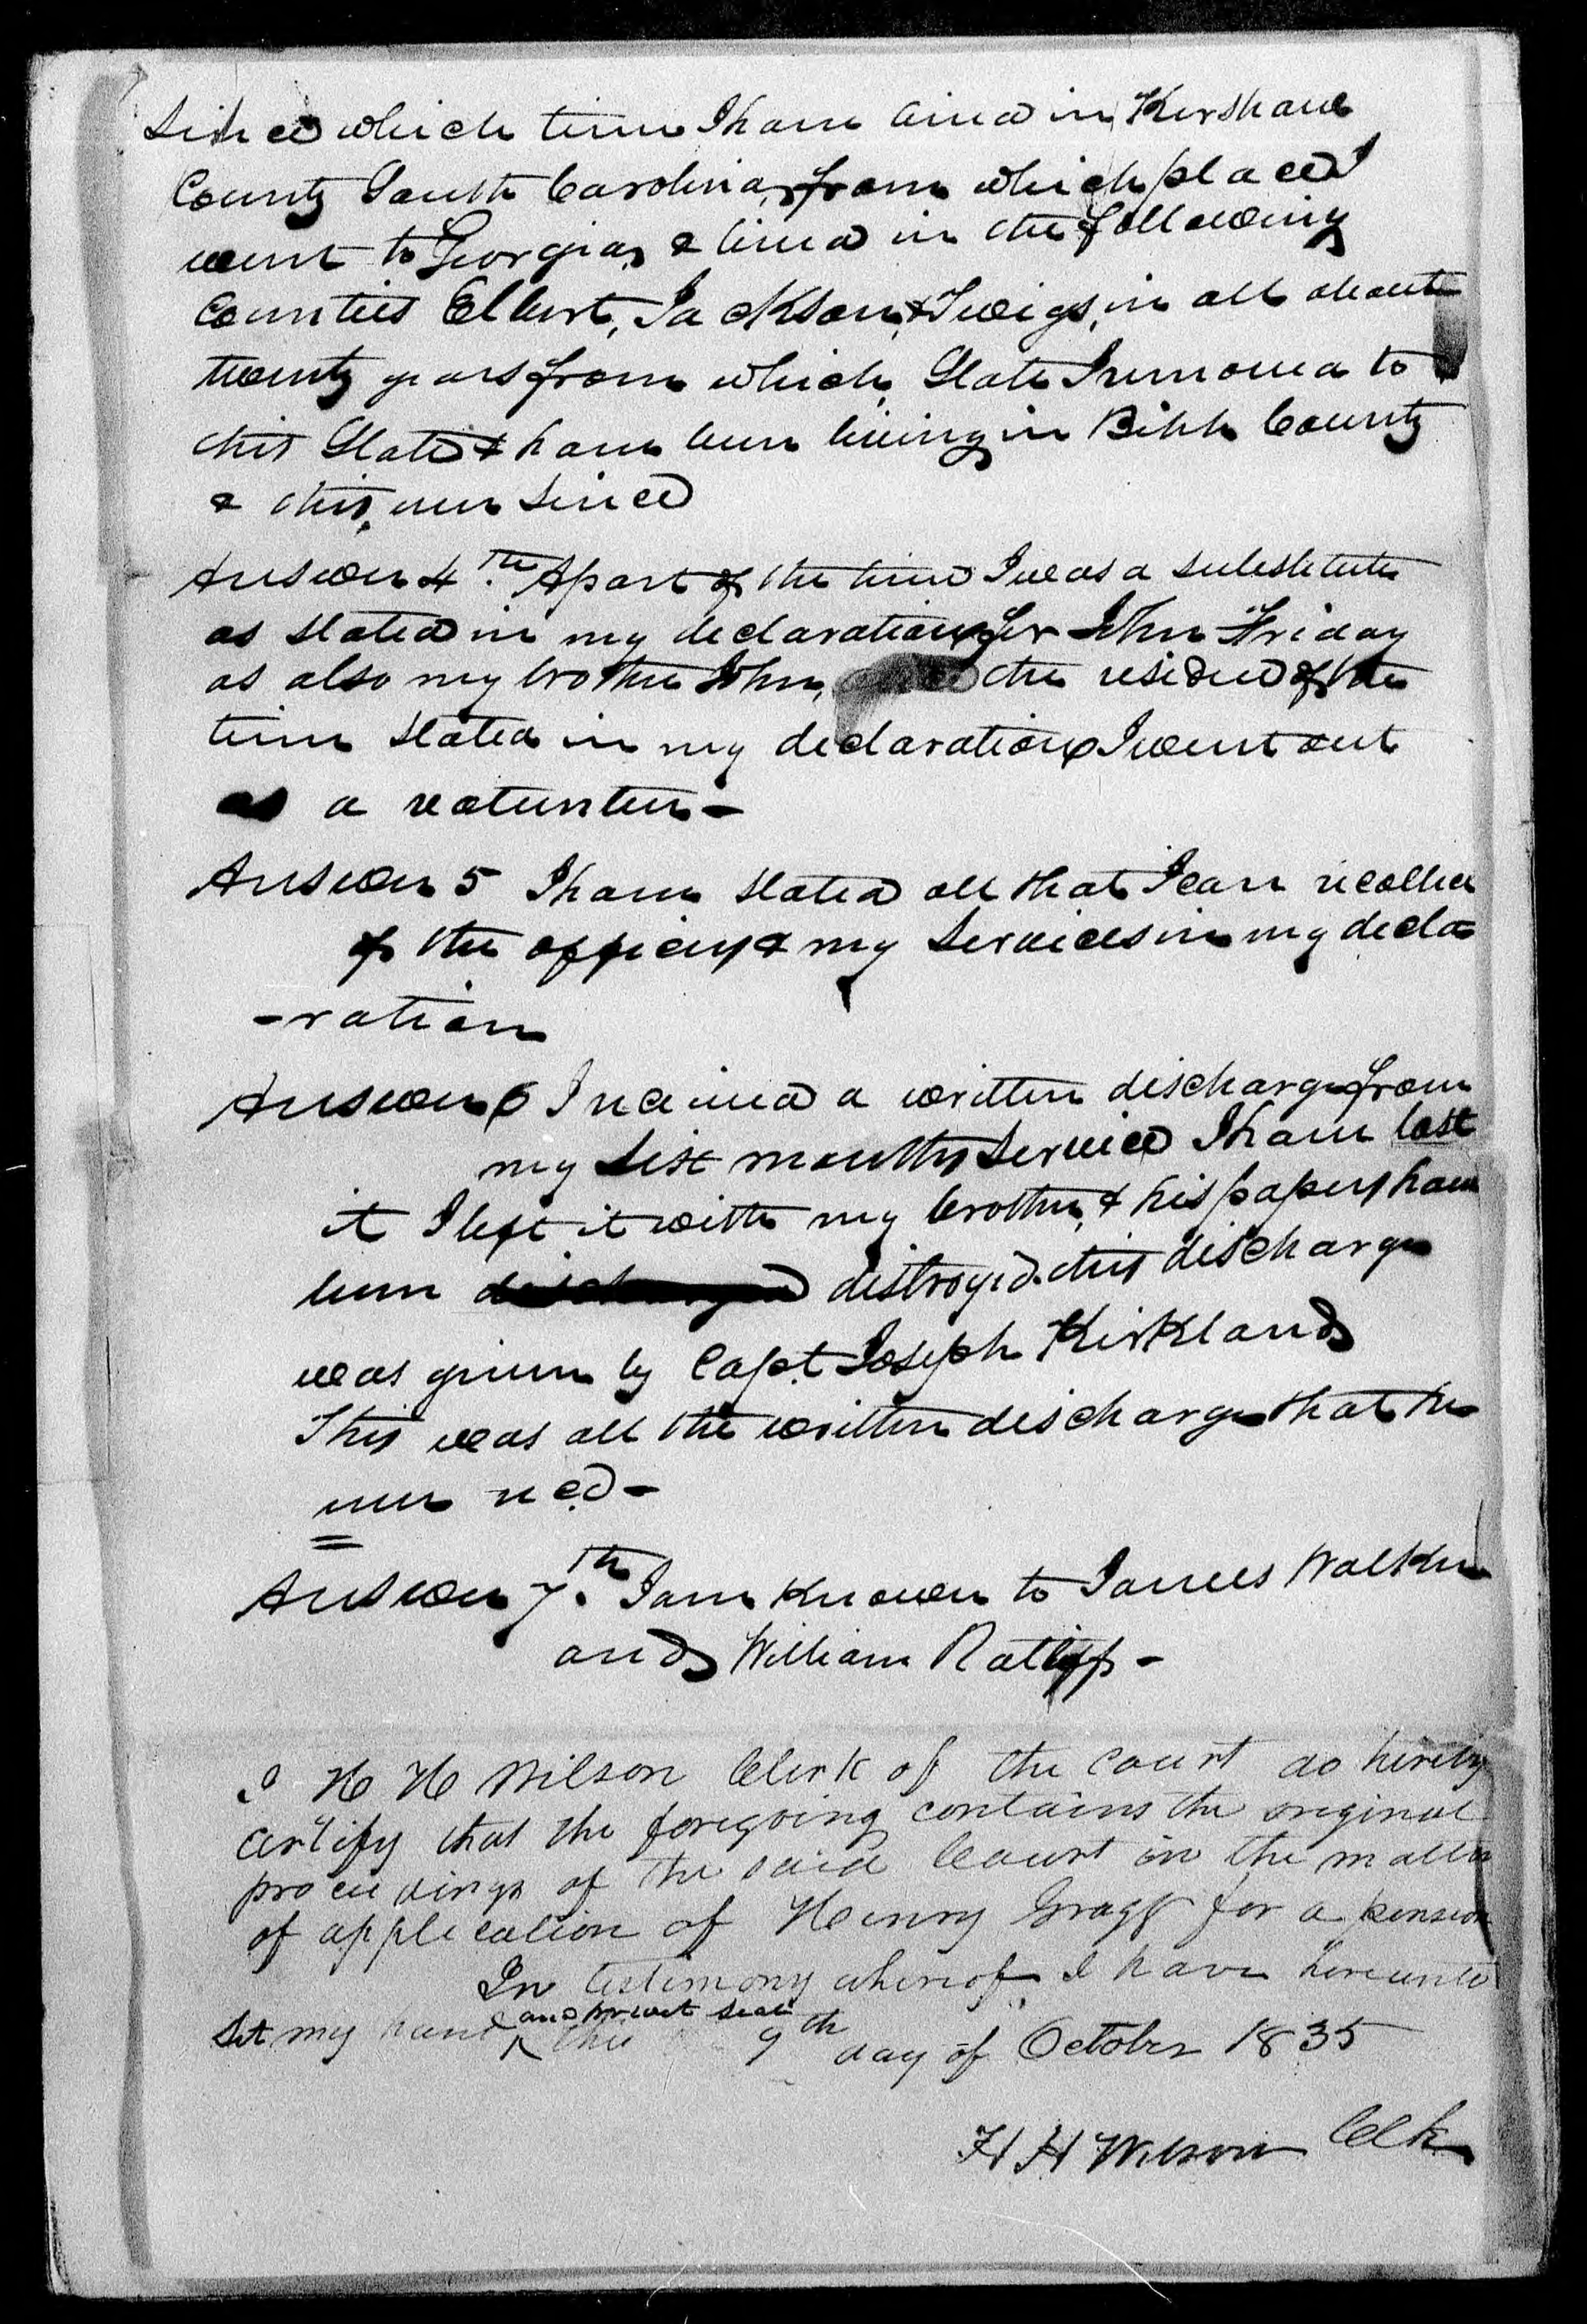since which time I have lived in Kershaw County   South Carolina , from which place went to  Georgia  & lived in the following Counties, Elbert,  Jackson & Twigs , in all about  twenty years  from which  State  I removed to this State & have been living  in  Bibb  County  & this  area since.  Answer  4th Int. A part of the time I was a substitute as stated in my declaration   for  John Friday  as also my brother John   .. ( illegible )  resided at the time stated in my declaration  . I went out and returned  as a volunteer. Answer 5 . I have stated all that I can  recollect  of the officers  & my service  in my declaration. Answer 6. I received a discharge from my  six months service . I have lost it . I left it with my brother  & his papers have been destroyed  , the discharge was given by  Capt. Joseph Kirkland . This was all the written discharges that he ever rec'd. Answer 7th . I am  known to James Walker  and William Ratliff .    I H.H. Wilson  clerk of the Court do hereby certify  that the foregoing  contains the original proceedings of the said Court in the matter of the application of Henry Gragg for a pension. In testimony whereof I have hereunto set my hand  and  private seal  this 9th day of October 1835.  H.H. Wilson ( signed ) Clk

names: H H Wilson, John Friday, Henry Gragg, James Walker, Joseph Kirkland, John, William Ratliff, H H Wilson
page: 8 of 18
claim: survivor's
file: S. 10,773, Henry Gragg, S.C.